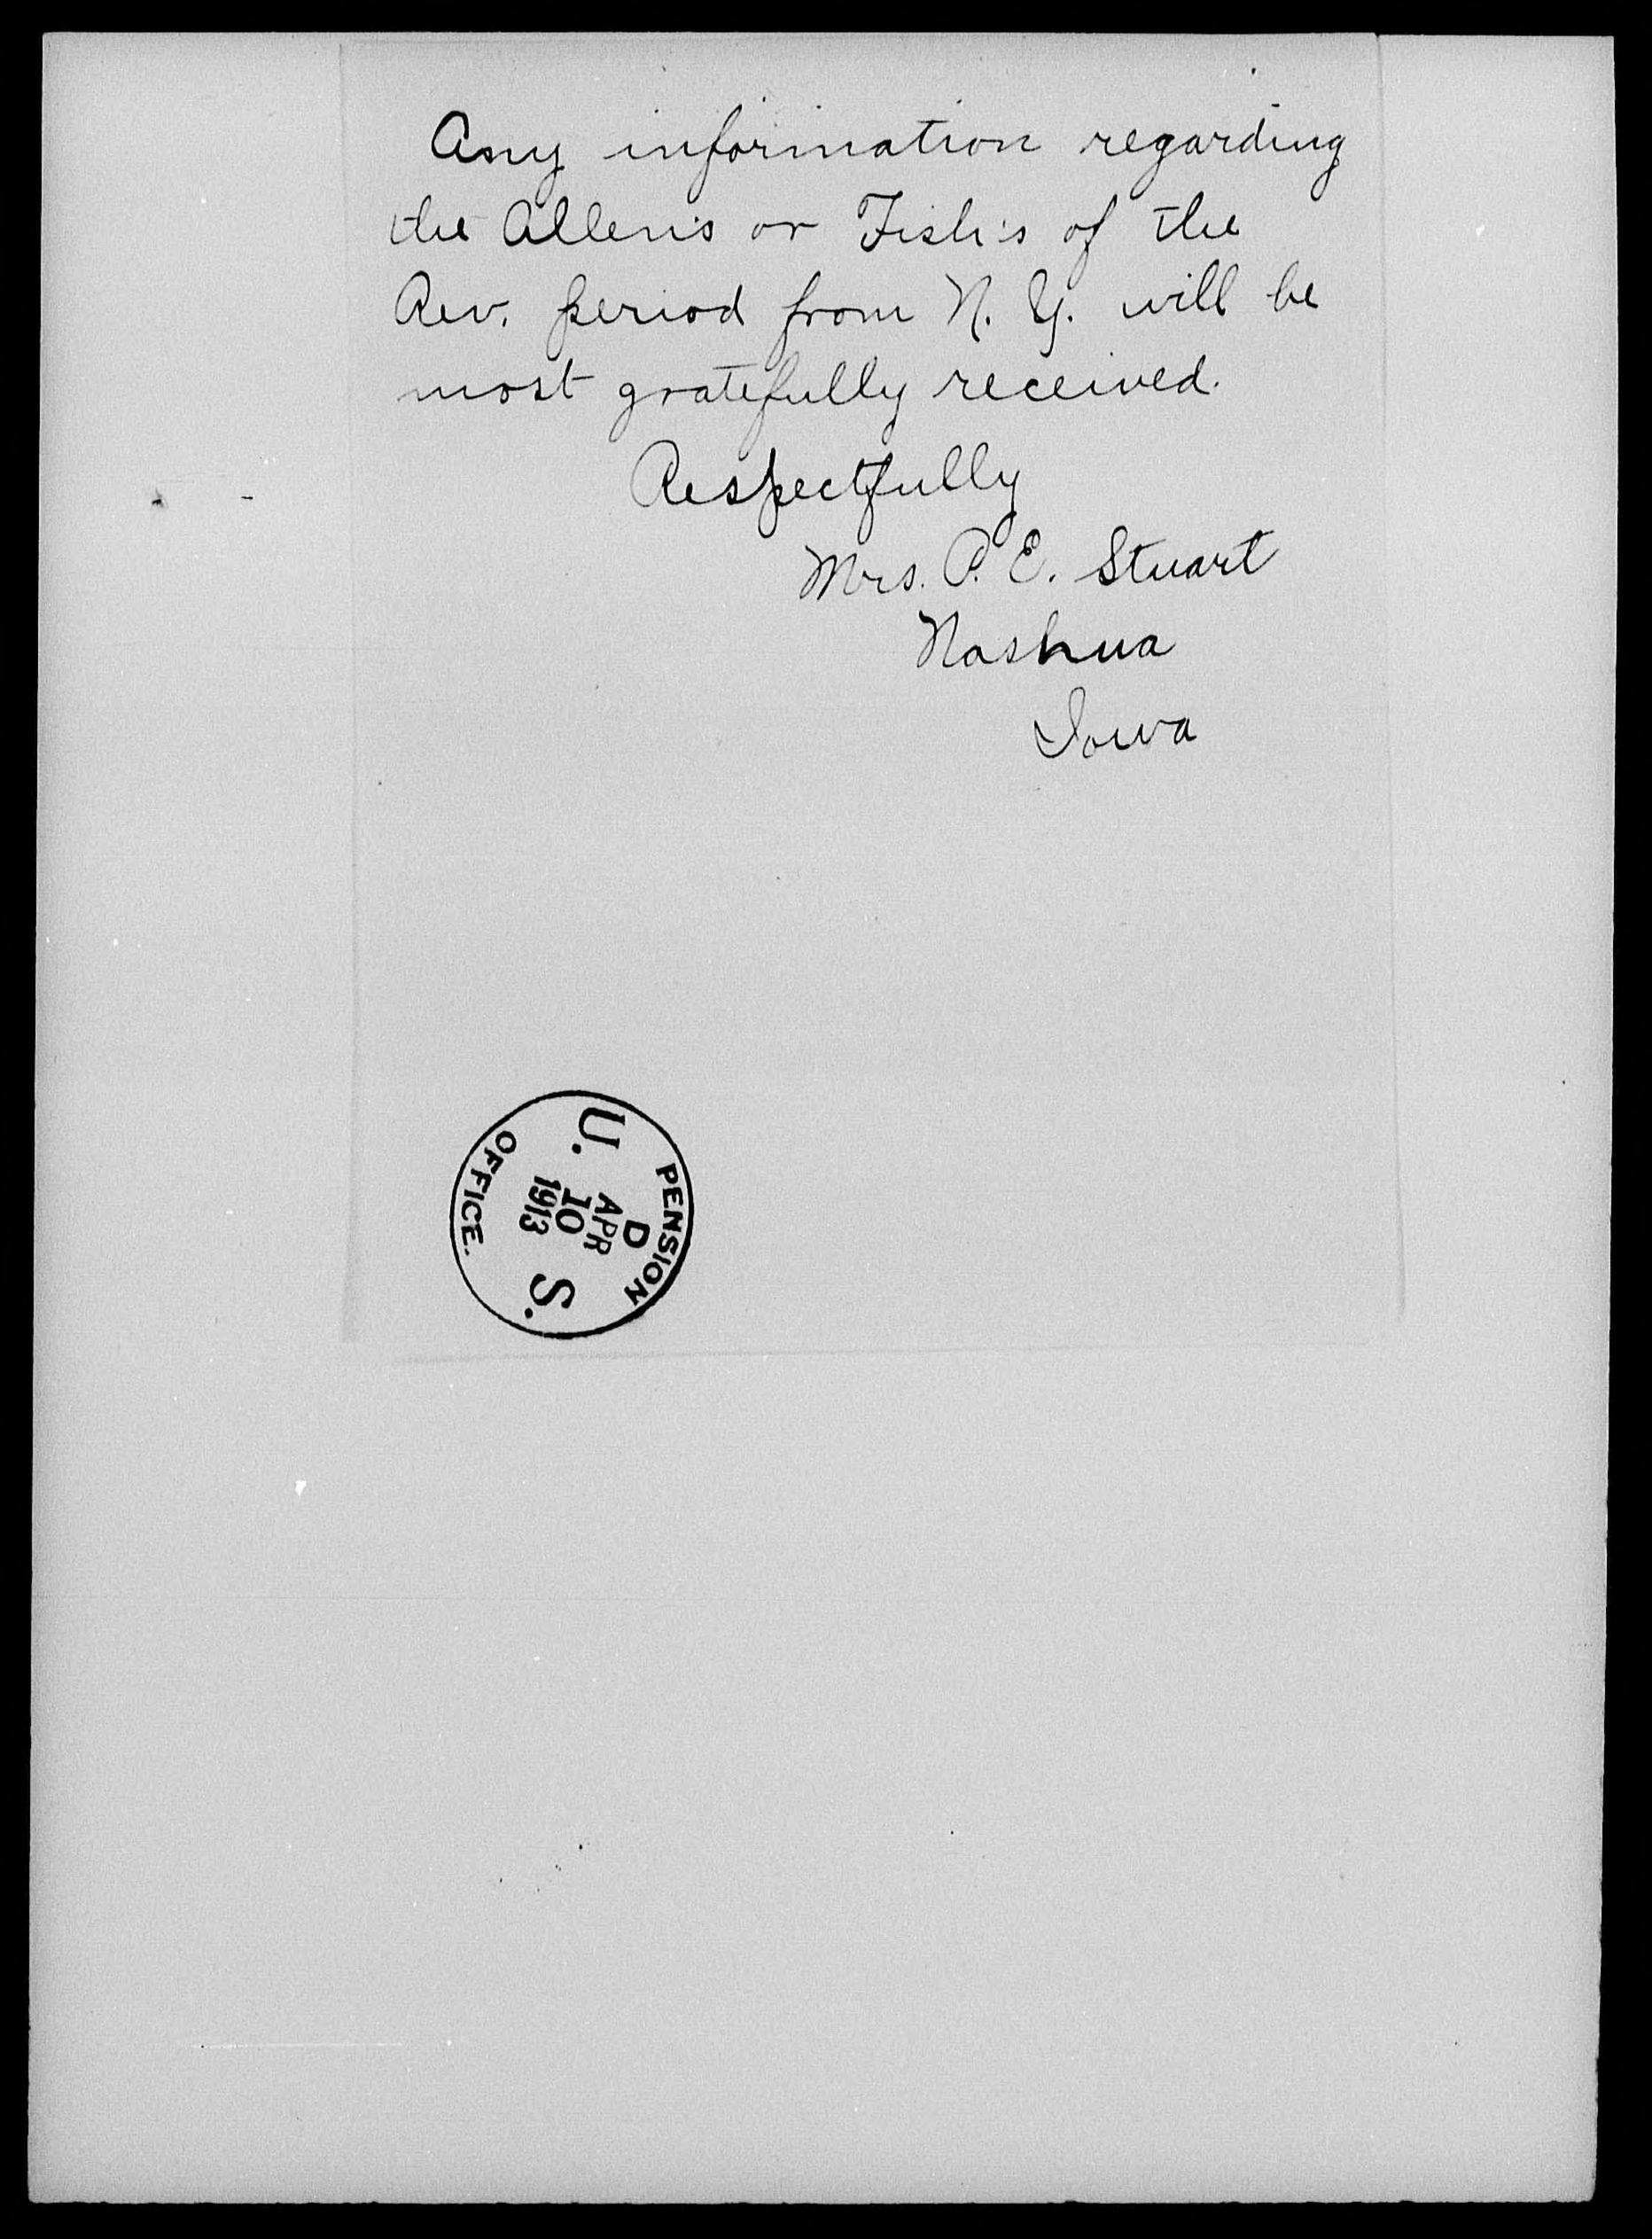Any information regarding the Allen's or Fish's of the Rev. period from N.Y. will be most gratefully received.

Respectfully
Mrs. P.E. Stuart
Nashua
Iowa

[Stamp in black in bottom left corner of page reading "PENSION" across the top, "OFFICE" on bottom, "U." and "S." on left and right and "D APR 10 1913" in the middle]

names: Fish, Allen, P E Stuart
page: 19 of 26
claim: survivor's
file: S. 29797, Seberry Fish, New York